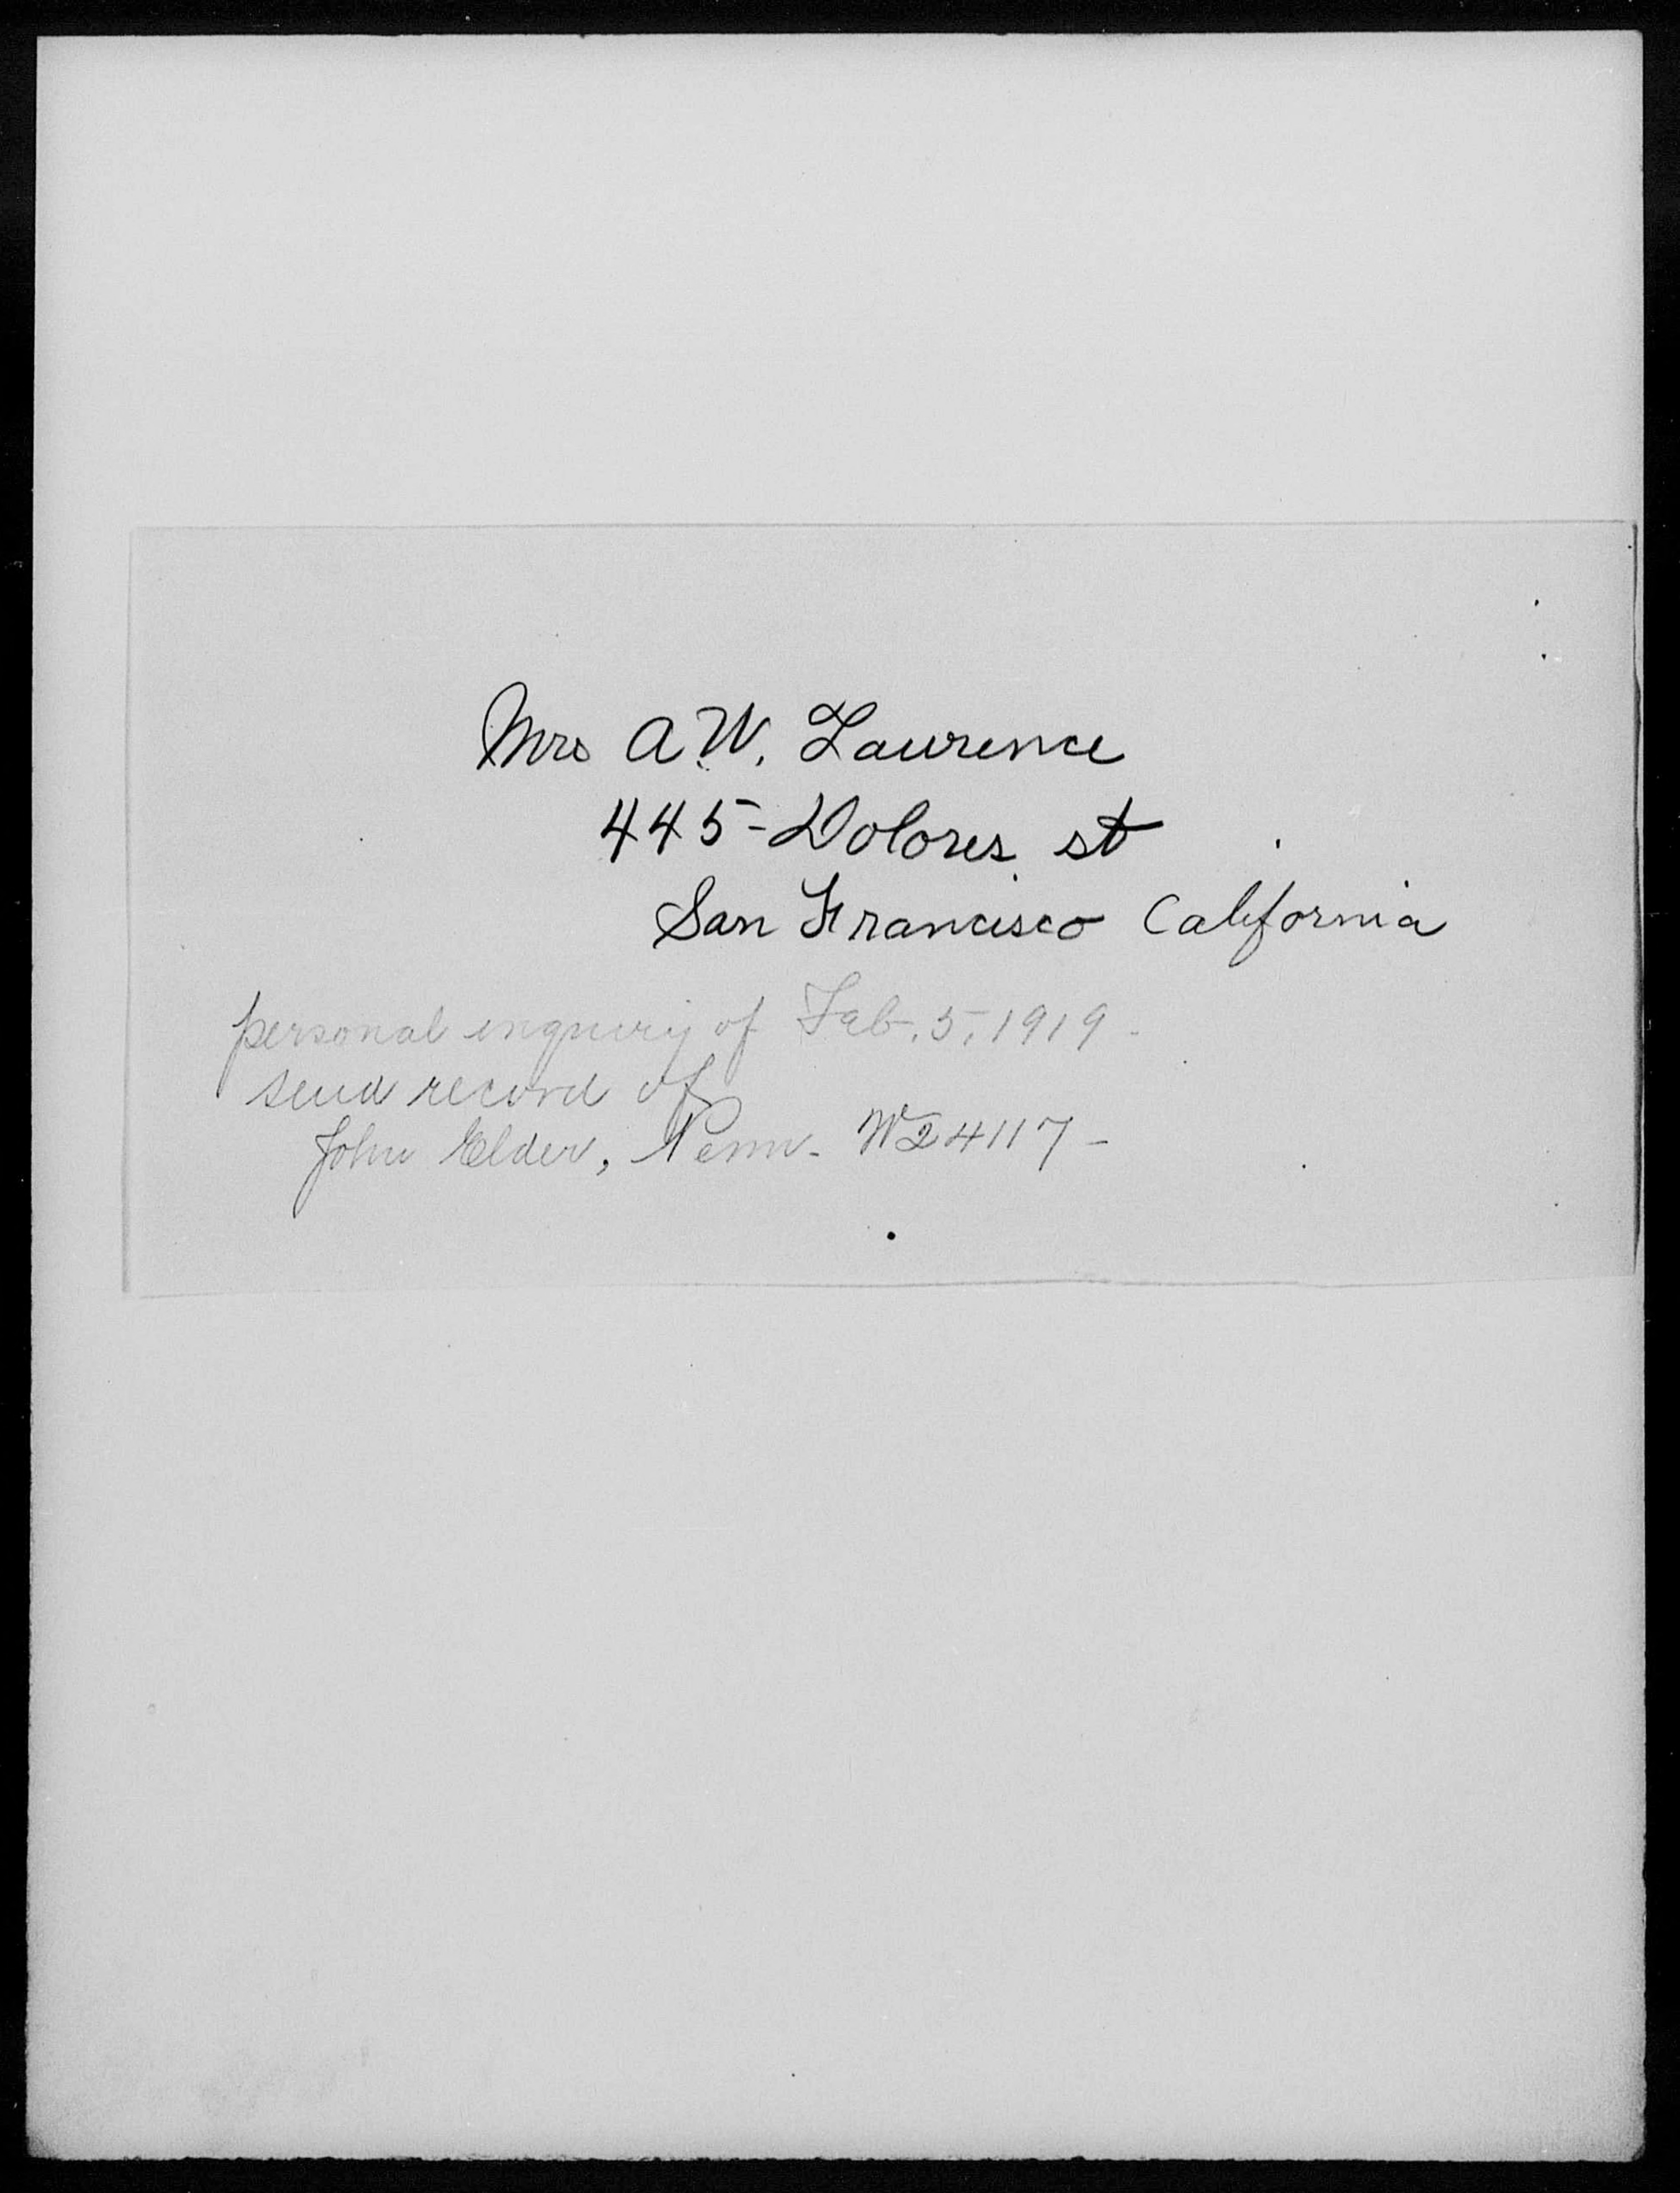Mrs A W. Lawrence
445 Dolores St
San Francisco California
personal enquiry of Feb. 5, 1919
said record of
John Elder, Penn. W 24117-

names: John Elder, A W Lawrence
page: 70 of 80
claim: widow's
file: W. 24117, John Elder, Penn.